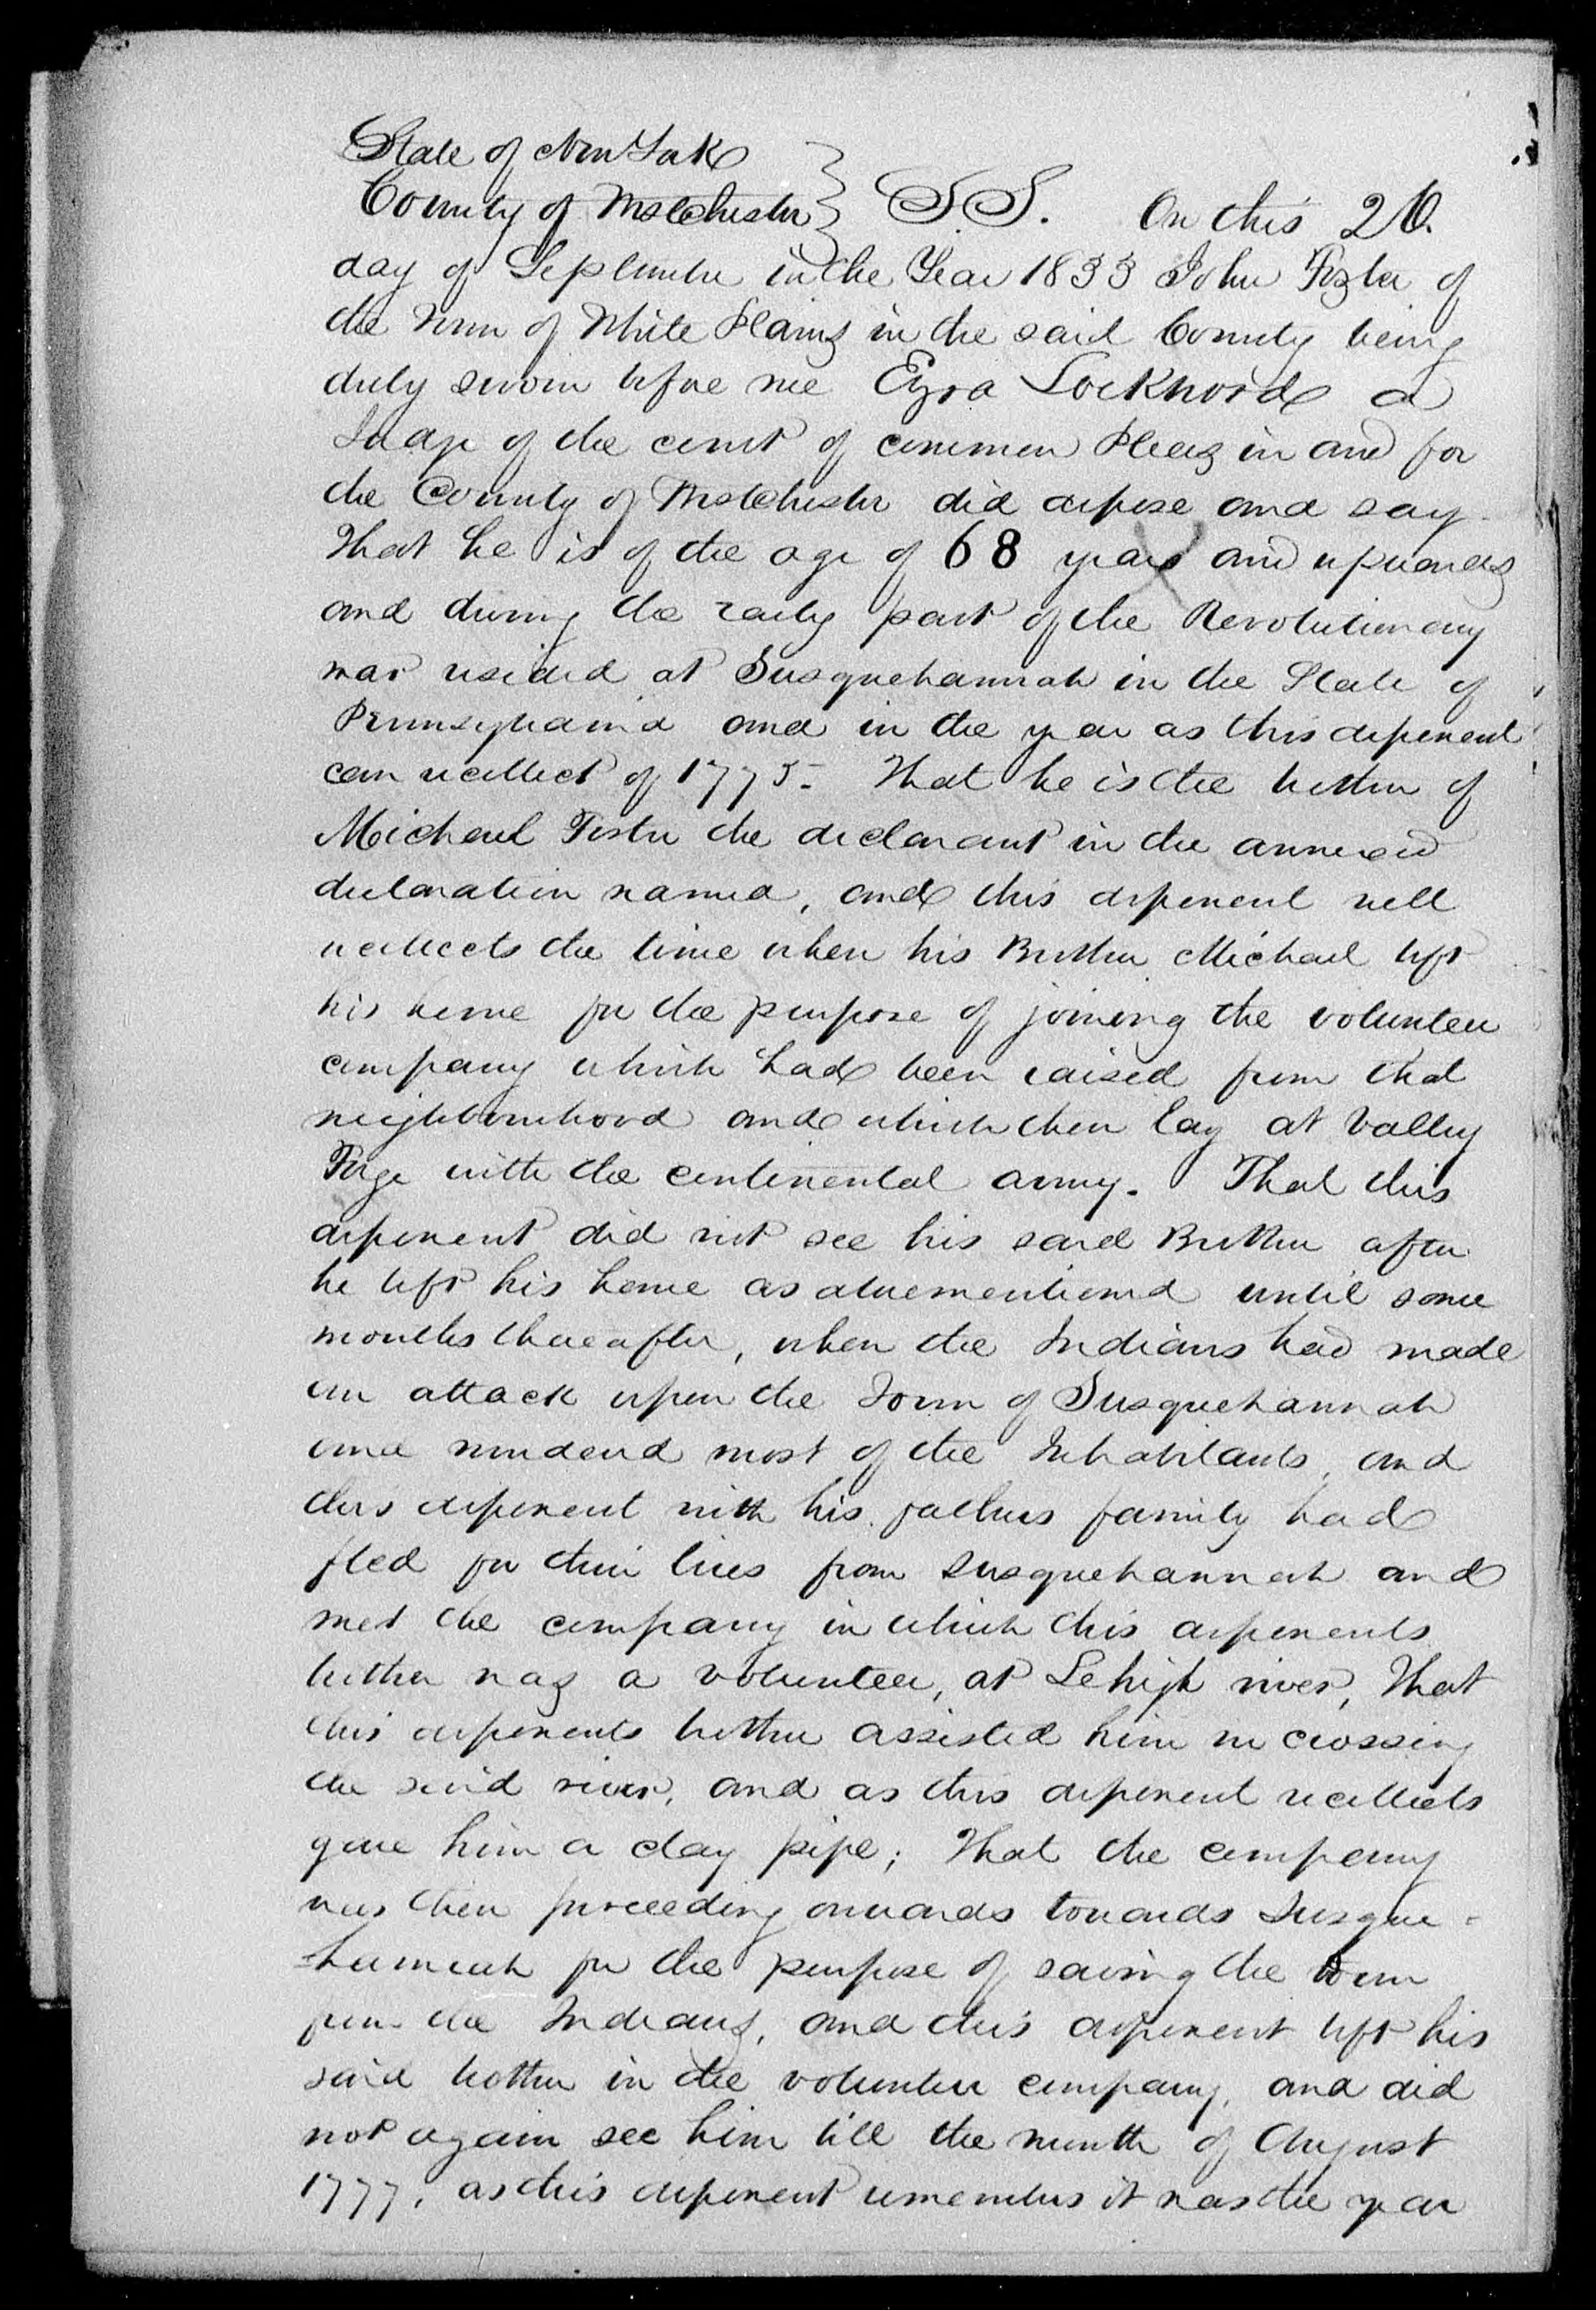State of New York
County of West Chester SS
On this 26 day of September in the year 1833 John Foster of the town of White Plains in the said county being duly sworn before me Ezra Lockwood a Judge of the Court of Common Pleas in and for the county of Westchester did depose and say that he is of the age of 68 years and upwards and during the early part of the Revolutionary War resided at Susquehanna in the State of Pennsylvania and in the year as this deponent can recall of 1775. That he is the brother of Michael Foster the declarant in the annexed declaration named, and this dependent well recollects the time when his Brother Michael left his home for the purpose of joining the volunteer company which had been raised from that neighborhood and which then lay at Valley Forge with the Continental army. That this depondent did not see his Said Bother after he left his home as Also mentioned until some months thereafter, when the Indians had made an attack upon the Town of Susquehanna and murdered most of the Inhabitants and this deponent with his fathers family had fled for their lives from Susquehanna and met the company in which this deponents brother was a volunteer, at Lehigh river, That this deponents brother assisted him in crossing the said river, and as this deponent recollects gave him a clay pipe. That the company was then proceeding onwards toward Susquehanna for the purpose of saving the town from the Indians, and this deponent left his said brother in the volunteer company, and did not again see him till the ninth of August 1777, as this deponent remembers it was the year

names: John Foster, Michael, Michael Foster, Ezra Lockwood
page: 14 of 57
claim: widow's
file: W. 5275 1/2, Michael Foster, Penn.